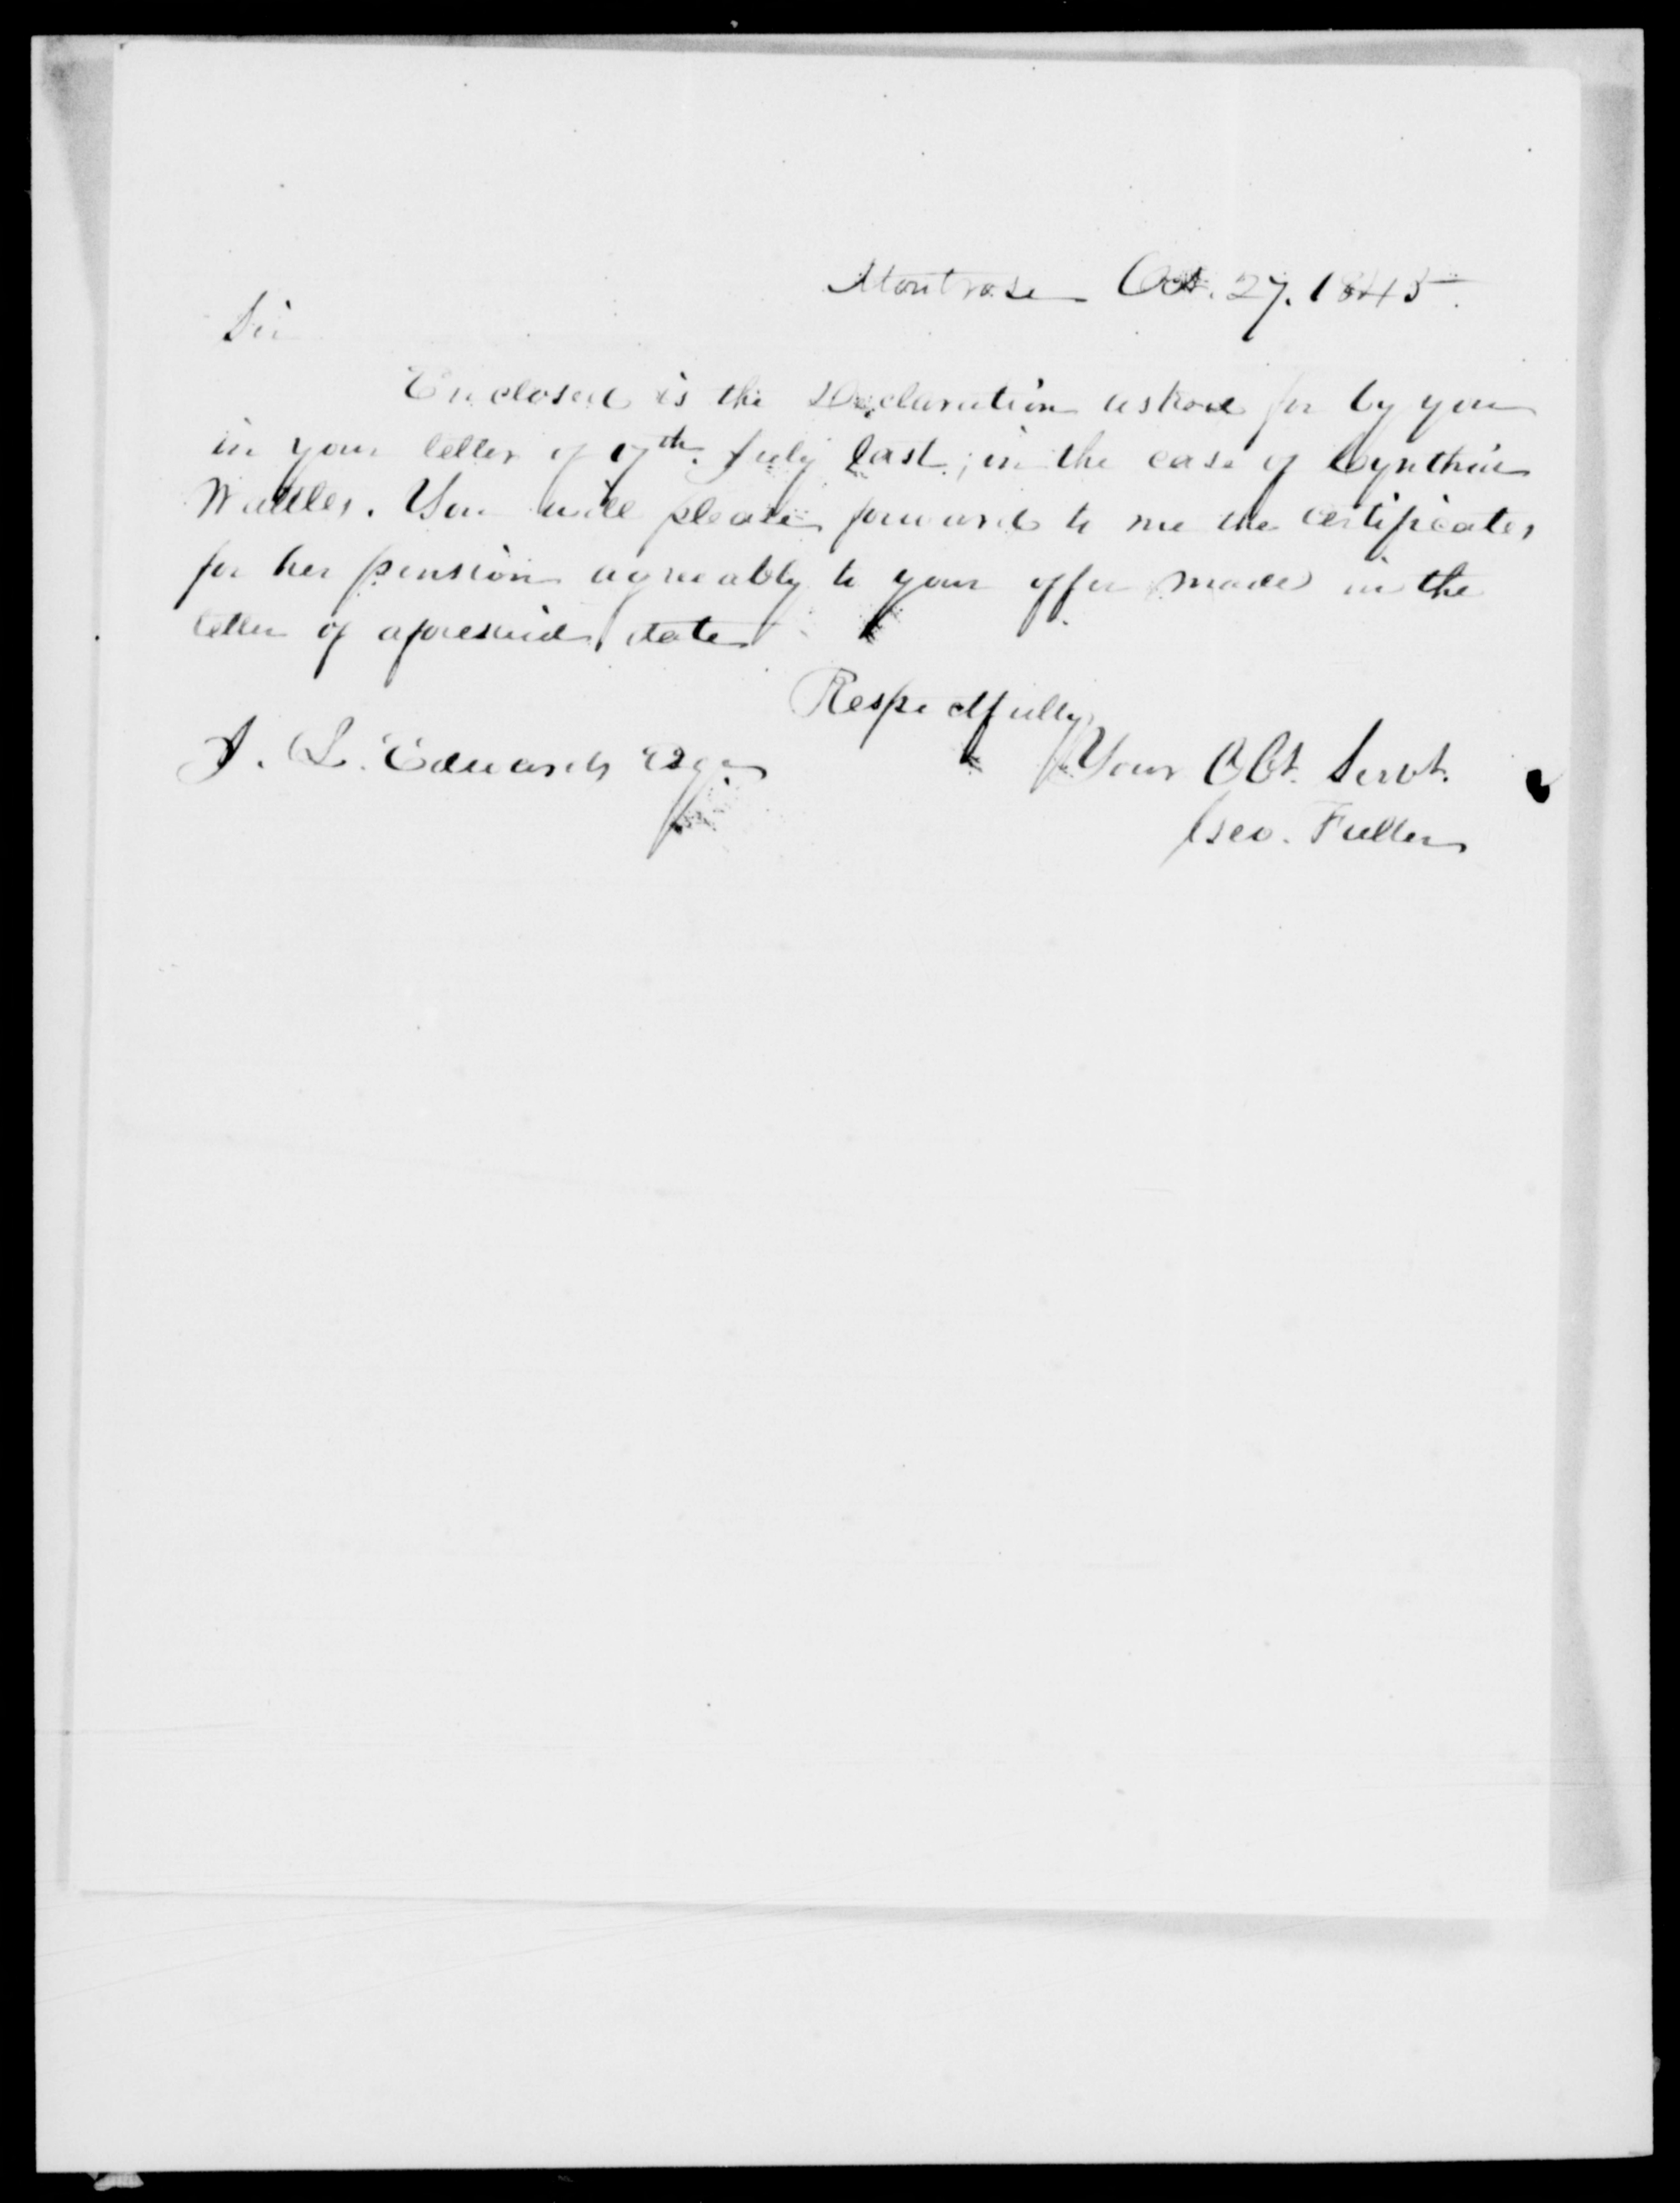Montrose   Oct 27, 1845

Sir

Enclosed is the Declaration asked for by you in your letter of 7th July last, in the case of Cynthia Wattles.  You will please forward to me the certificate for her pension agreeable to your offer made in the letter aforesaid dated.

Respectfully
Your Obt. Servt.
Geo. Fuller

J. L. Edwards  Esq.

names: Geo Fuller, J L Edwards, Cynthia Wattles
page: 37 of 70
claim: widow's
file: W. 3743, Dan Wattles, Conn.